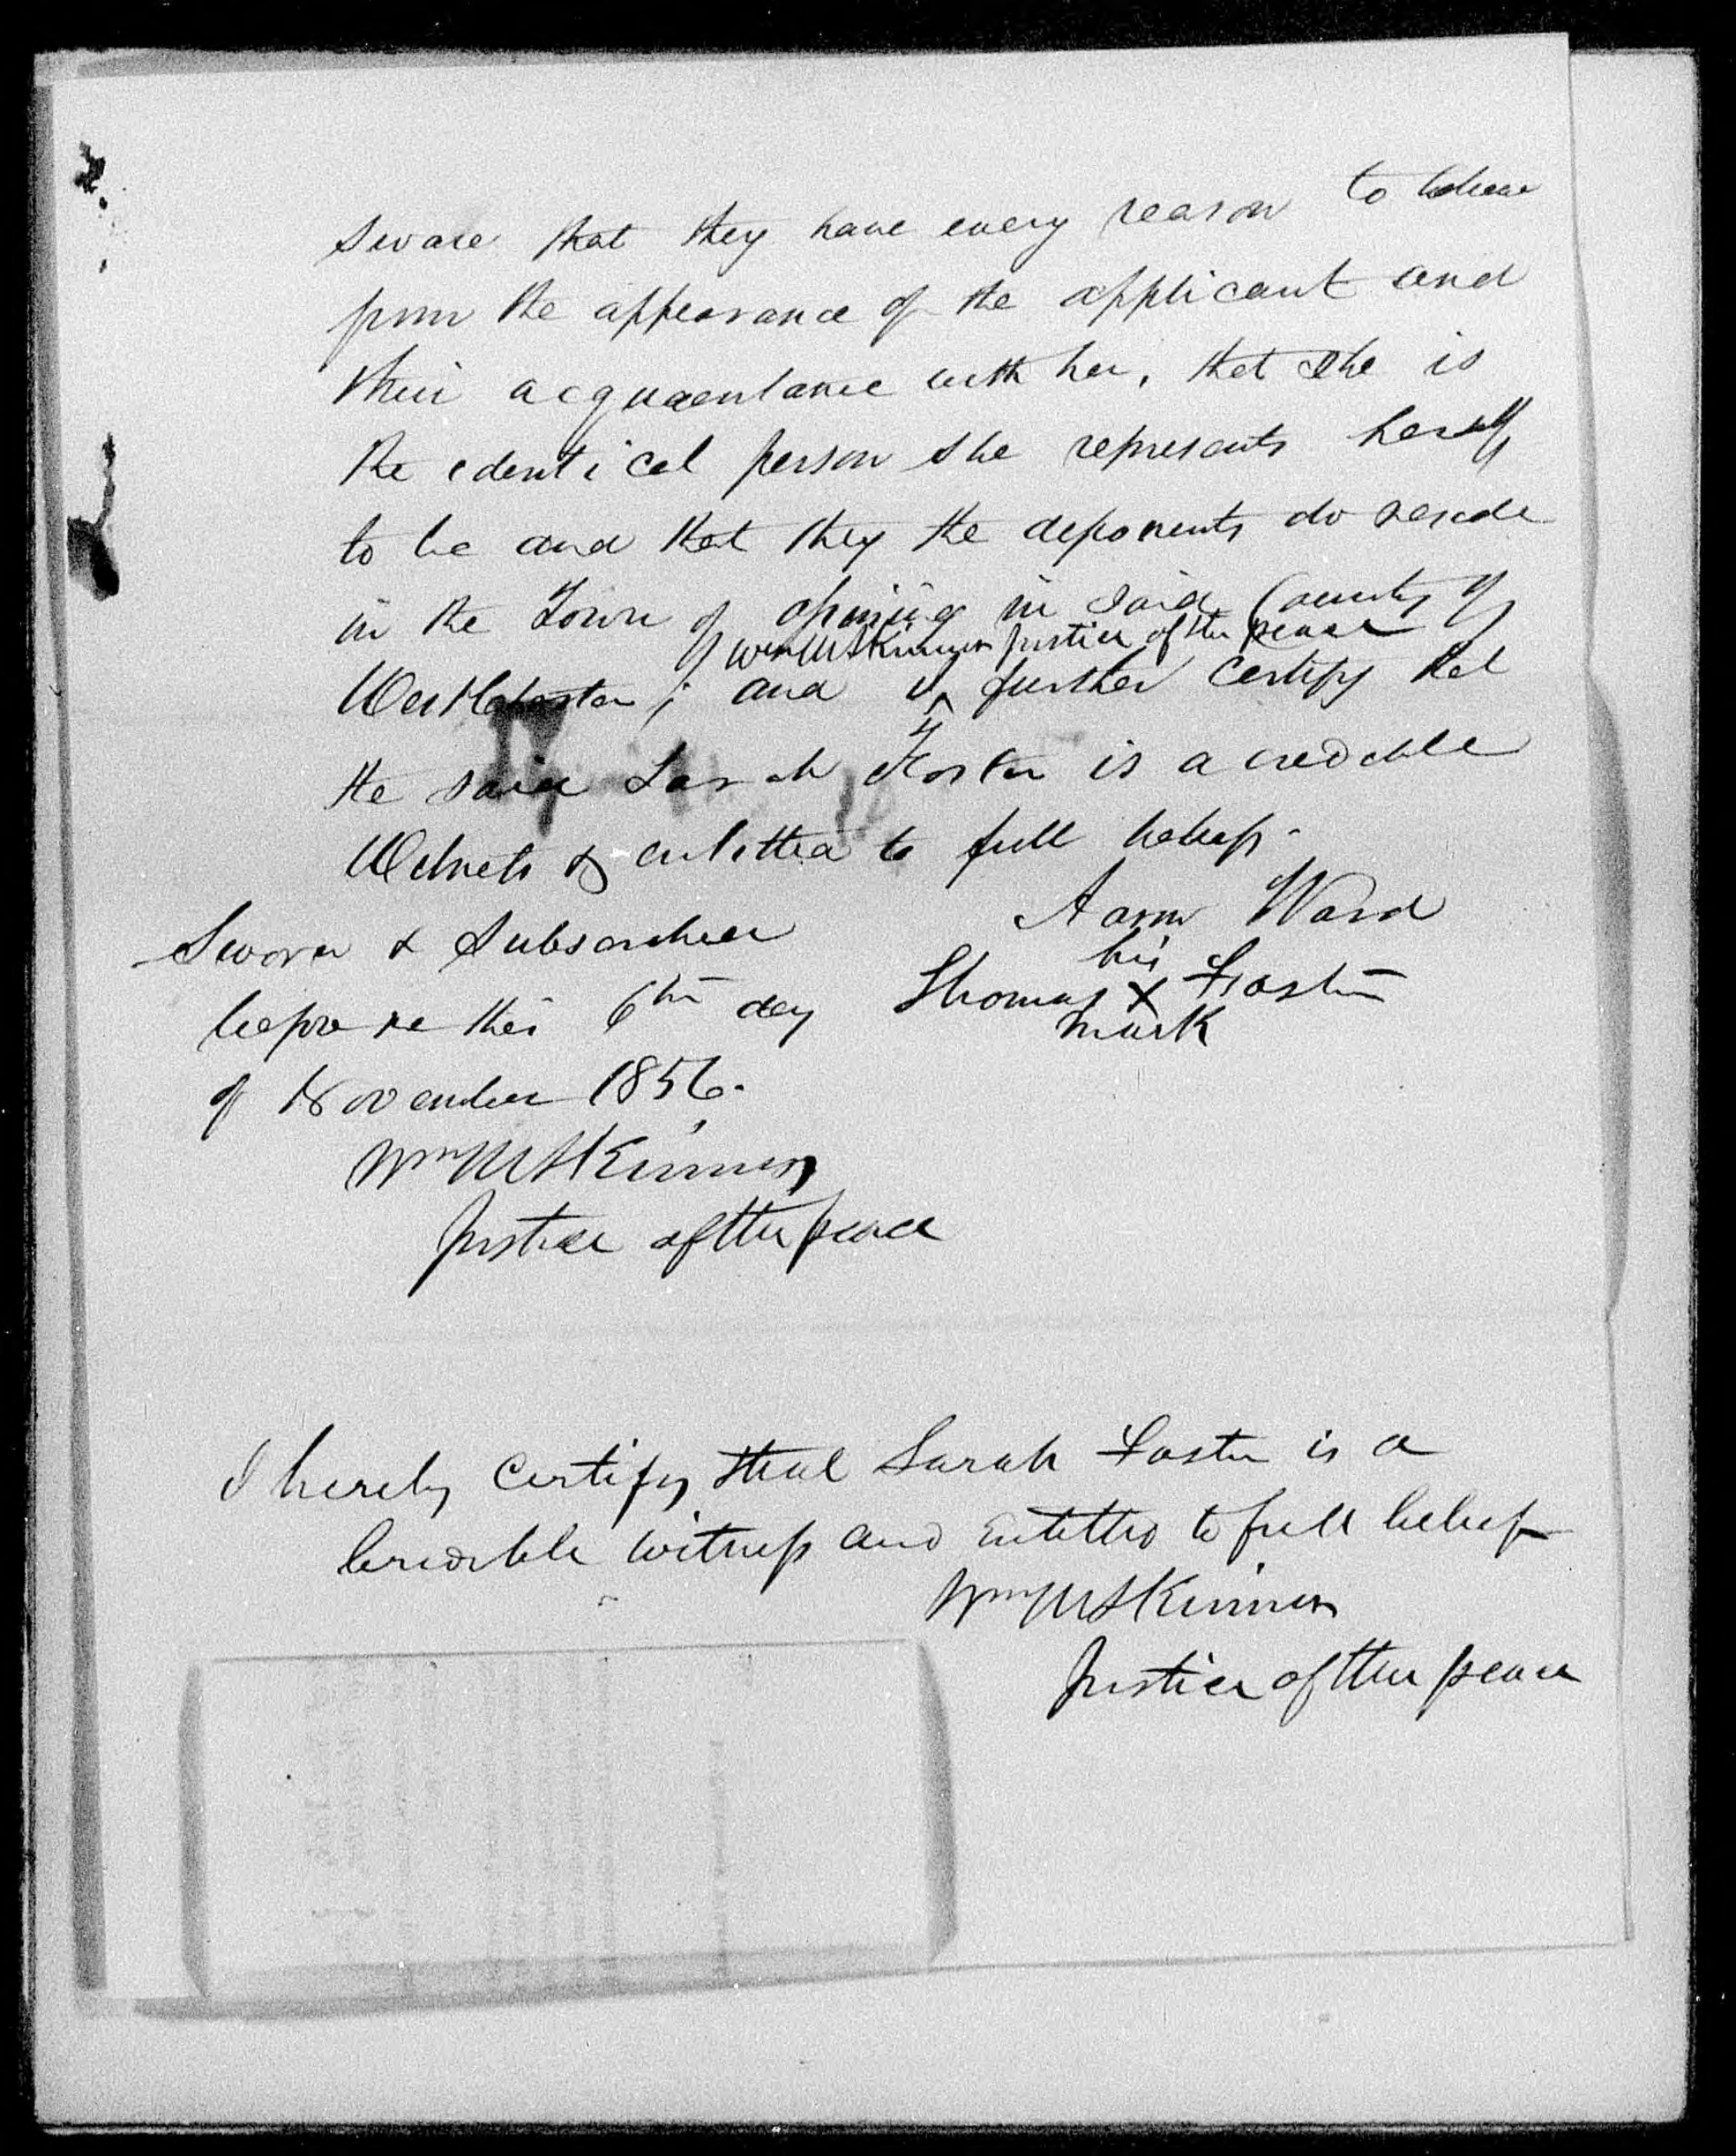Sware that they have every reason to believe from the appearance of the applicant and their acquaintance with her, that she is the identical person she represents herself to be and that they the deponents do reside in the town of Ossining in said County of Westchester; and I Wm. M. Skinner Justice of the Peace further certify that the said Sarah Foster is a credible witness & entitled to full belief.
Aaron Ward
Thomas Foster his X mark

Sworn & subscribed before me this 6th day of November 1856
Wm M Skinner
Justice of the Peace

I hereby certify that Sarah Foster is a credible witness and entitled to full belief.
Wm M. Skinner
Justice of the Peace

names: Wm M Skinner, Sarah Foster, Aaron Ward, Wm M Skinner, Sarah Foster, Thomas Foster, Wm M Skinner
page: 54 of 57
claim: widow's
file: W. 5275 1/2, Michael Foster, Penn.